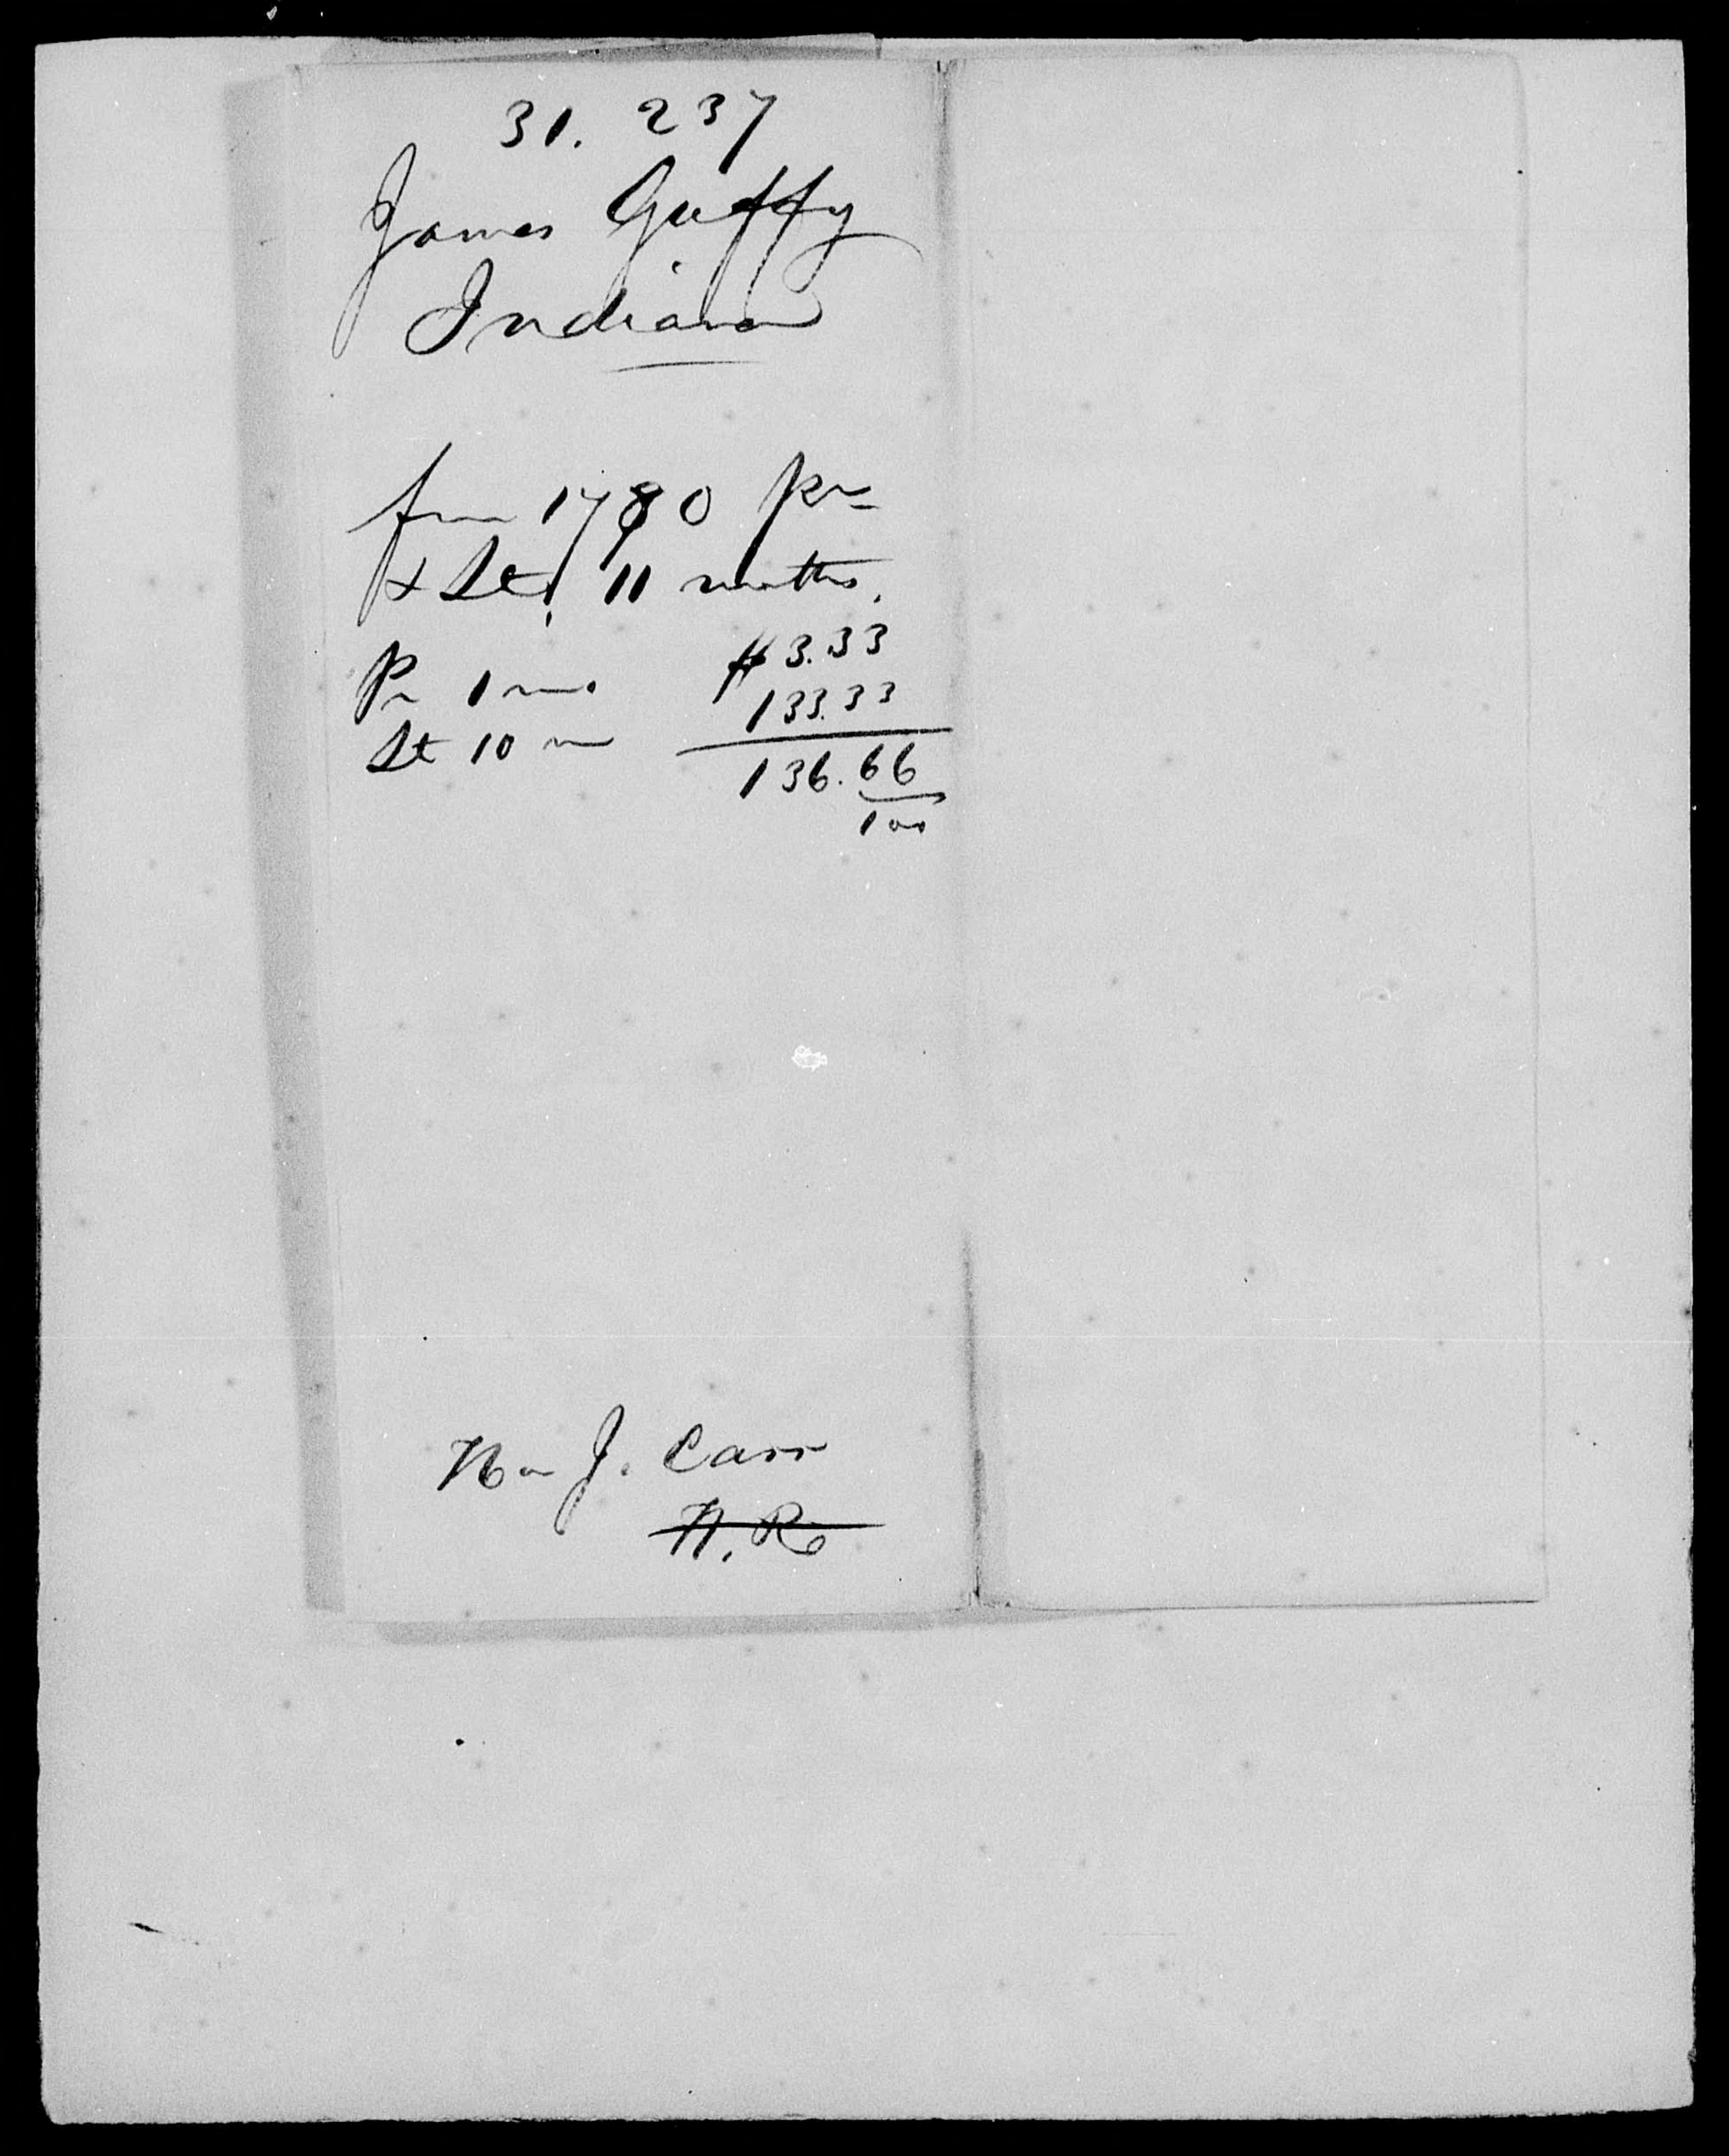31.237
James Guffy
Indiana

From 1780 pr
& Lt 11 months

Pr 1 m.    $    3.33
Lt 10 m     133.33
                --------
                  136.66/100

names: James Guffy, J Carr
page: 3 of 36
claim: survivor's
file: S. 31,718, James Guffey, Penn.